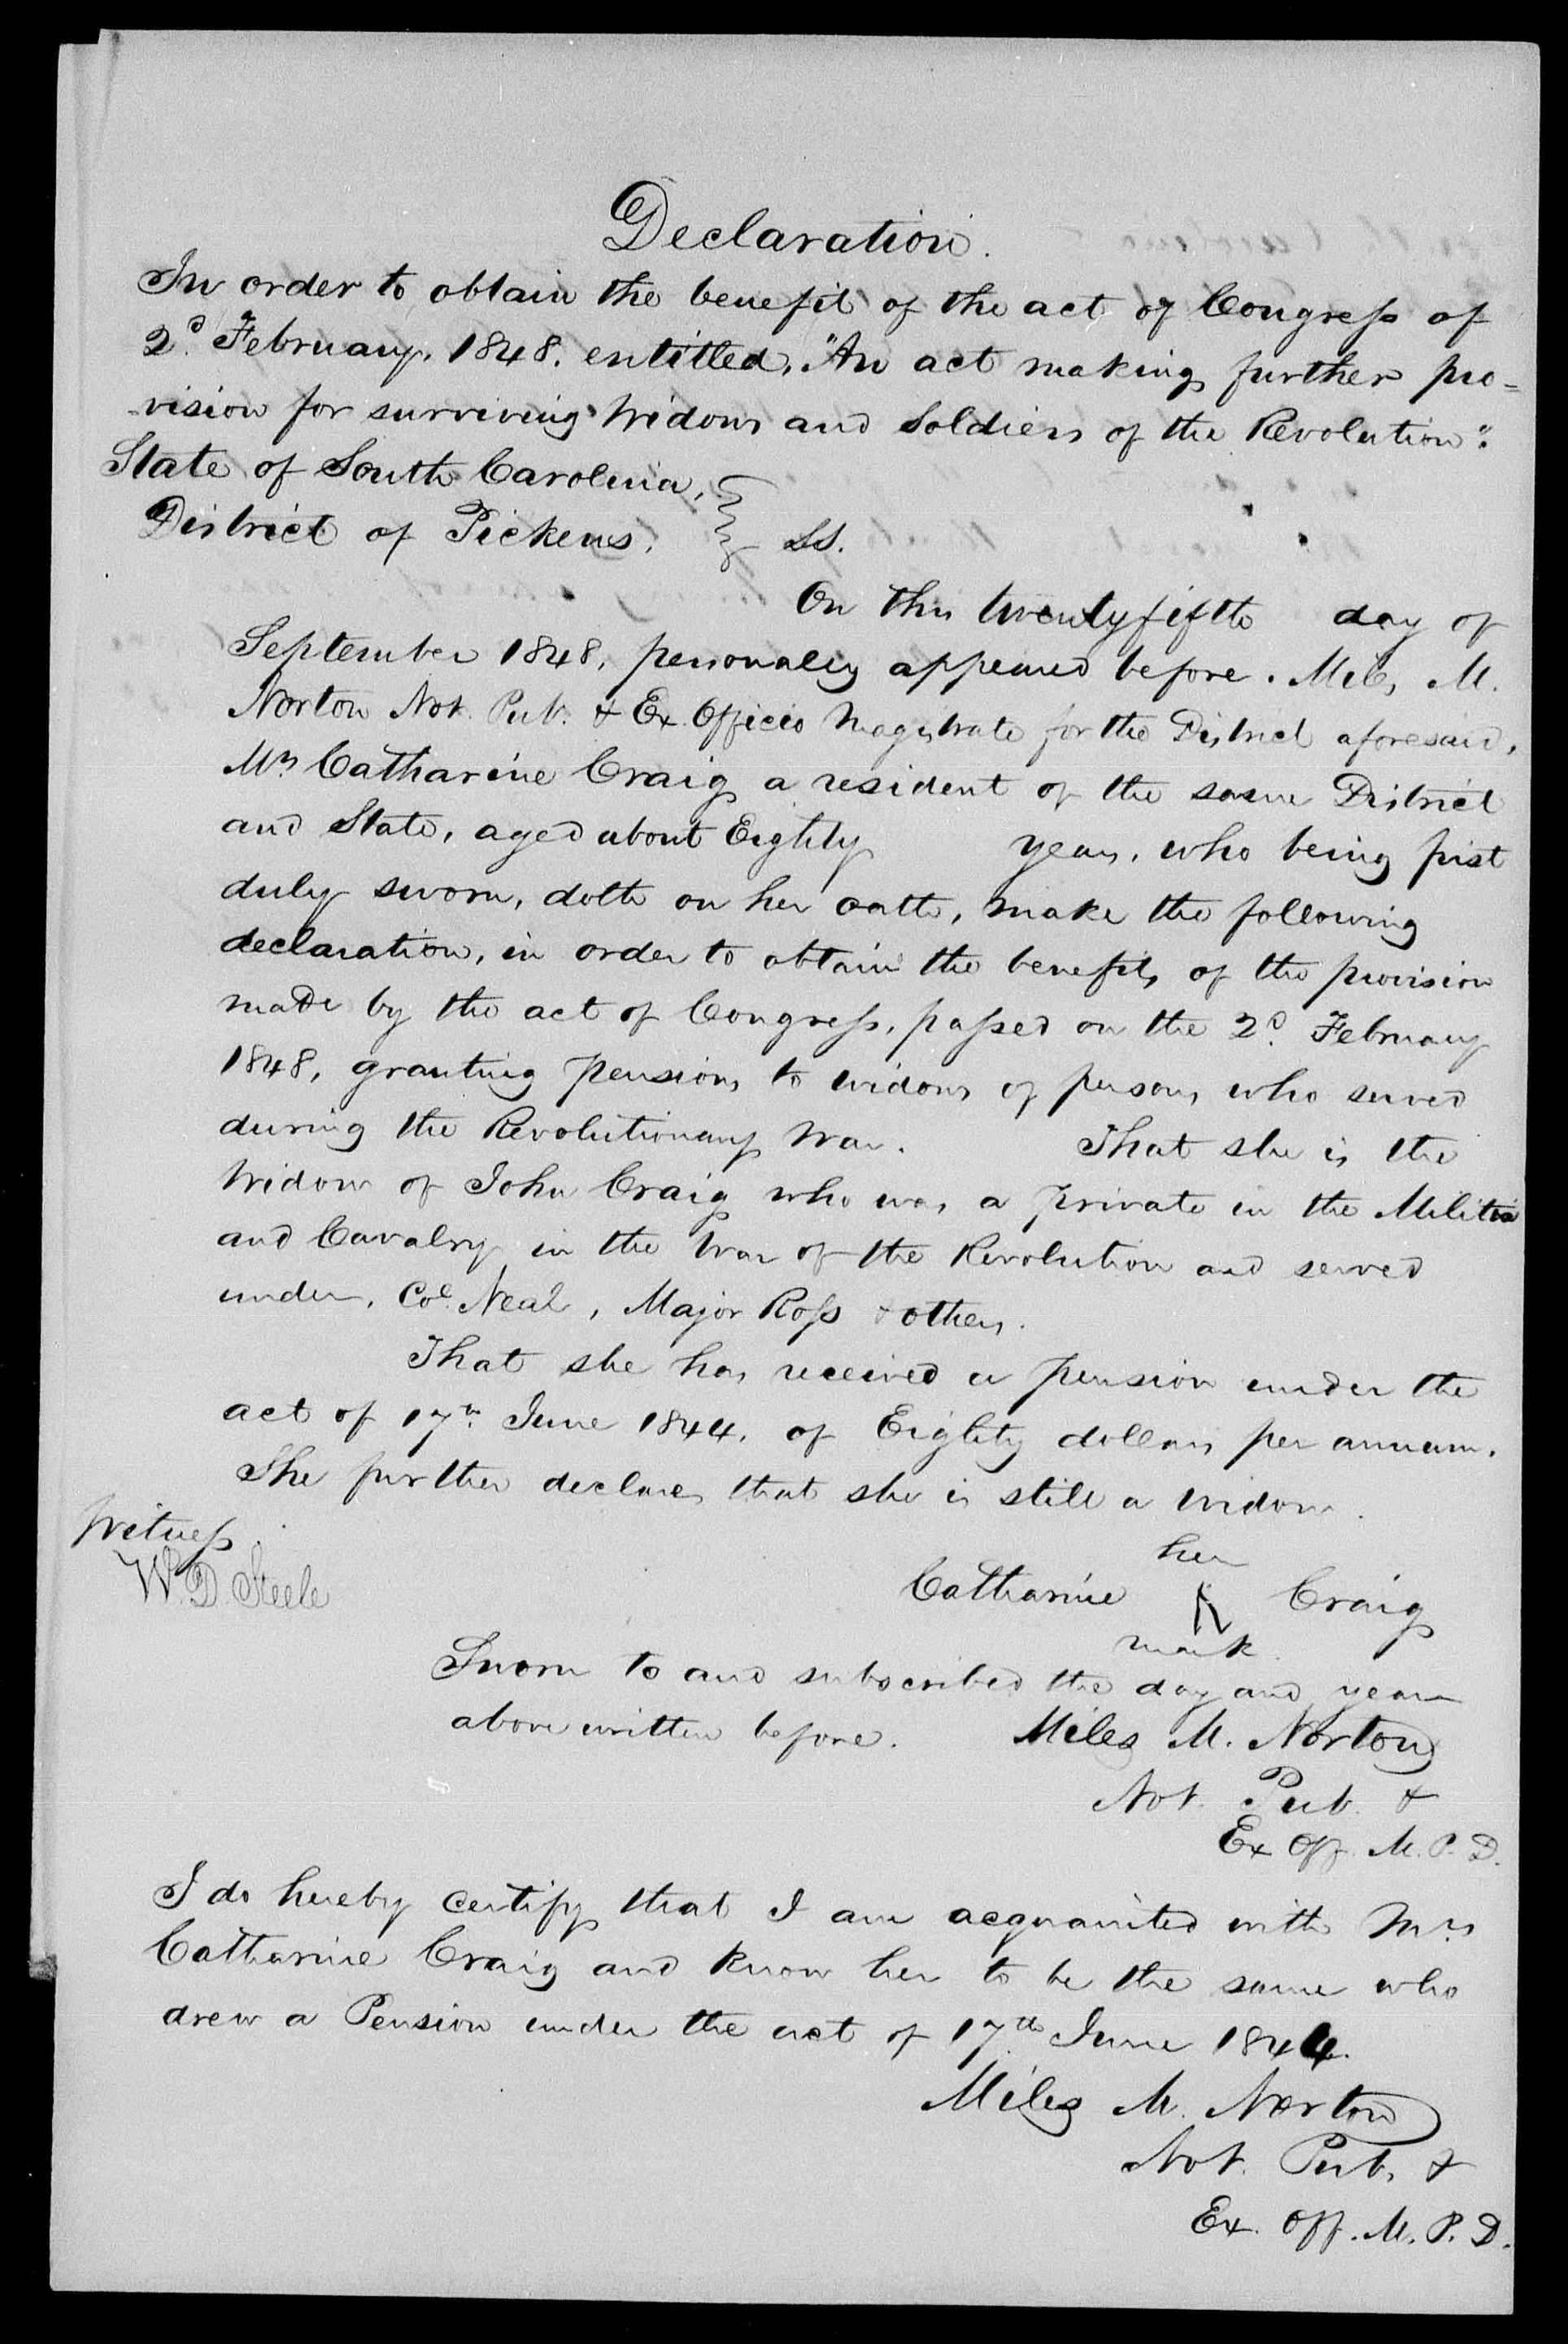Declaration
In order to obtain the benefit of the act of Congress of 2d February, 1848, entitled, "An act making further provision for surviving widows and Soldiers of the Revolution: 
State of South Carolina,
District of Pickens  SS

On the twenty fifth day of September 1848, personally appeared before Me, Mrs Catharine Craig, a resident of the same District and State aged about Eighty years, who being first duly sworn, doth on her oath, make the following declarations, in order to obtain the benefit of the provision made by the act of Congress, passed on the 2d February, 1848, granting pension to widows of persons who served during the Revolutionary War. That she is the widow of John Craig who was a private in the Militia and Cavalry in the War of the Revolution and served under Col Neal, Major Ross & others

That she has received a pension under the act of 17th June 1844, of Eighty dollars per annum. She further declares that she is still a widow.
Catharine (^her mark) Craig

Sworn to and subscribed the day and year above written before
Miles M. Norton   Not Pub & Ex Off M.P.D.

Id o hereby certify that I am acquainted with Mrs. Catharine Craig and know her to be the same who drew a Pension under the act of 17th June 1844
Miles M. Norton
Not. Pub. &
Ex. Off. M. P.D.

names: Miles M Norton, Catharine Craig, Ross, John Craig, Catharine Craig, W D Steele, Neal, Miles M Norton, Miles M Norton, Catharine Craig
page: 25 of 55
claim: widow's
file: W. 22864, John Craig, S.C. Born In Iceland